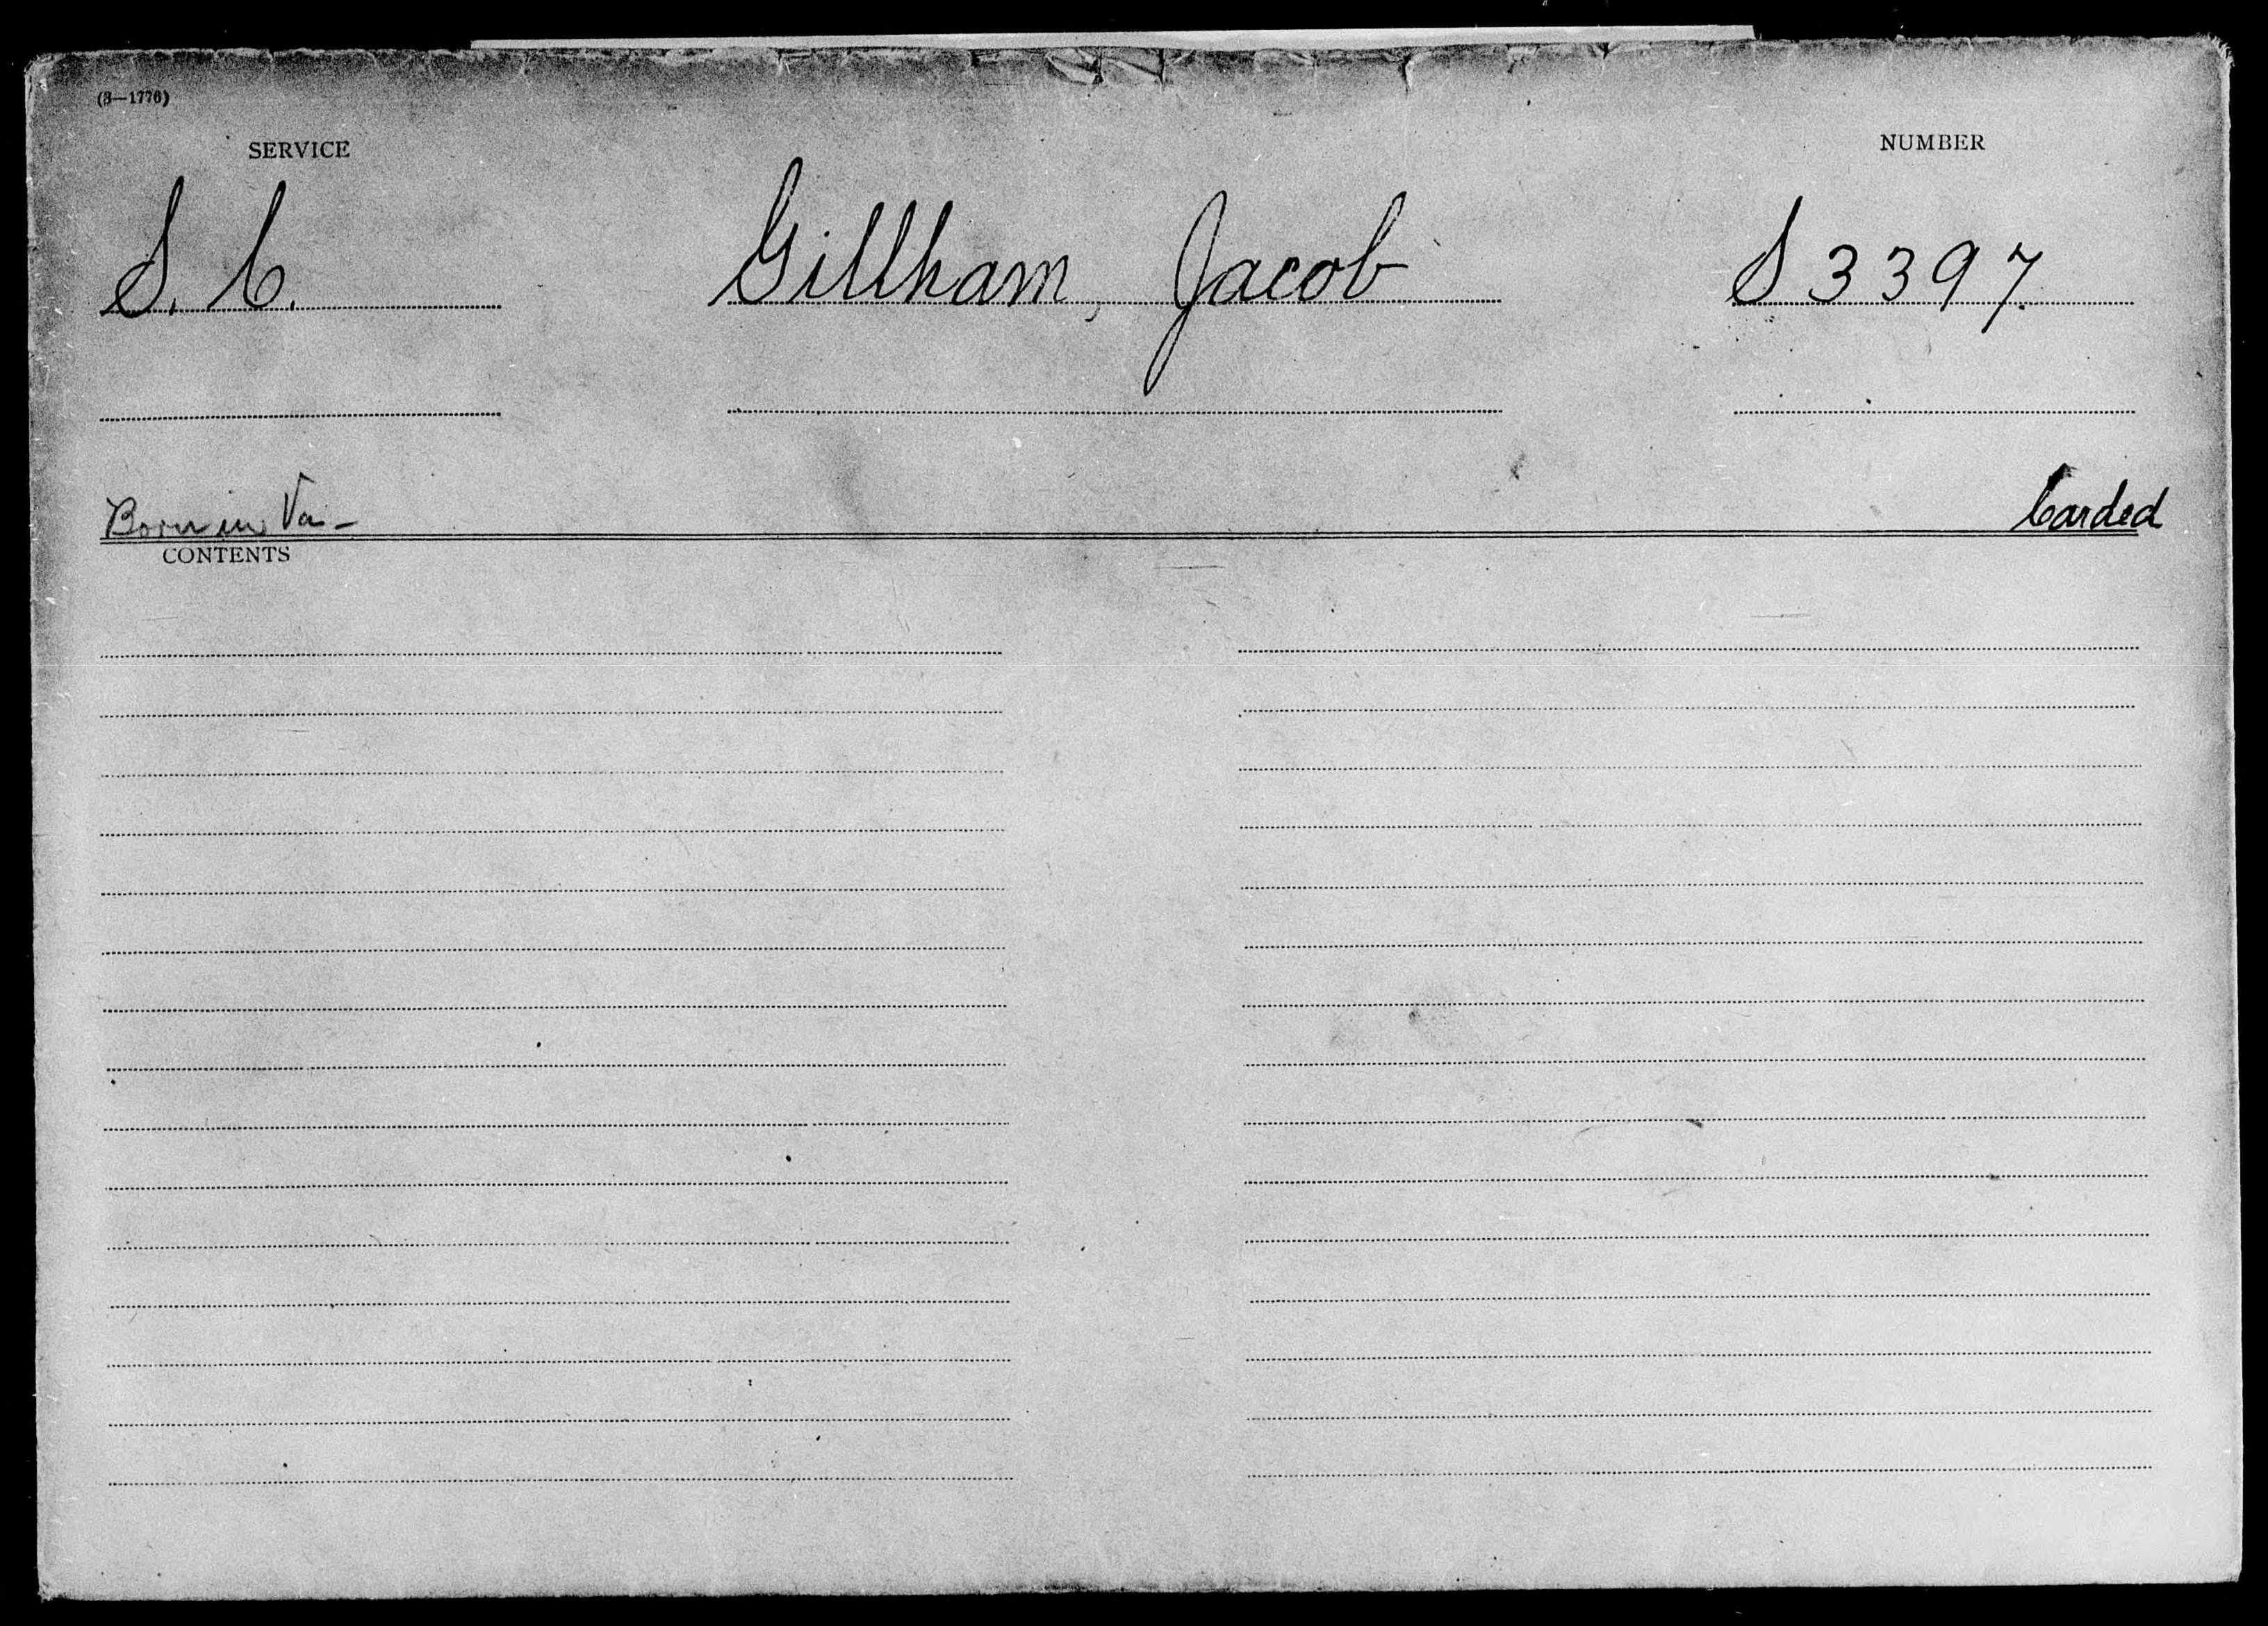(3-1776)
SERVICE NUMBER
SC Gillham, Jacob S3397
Born in Va carded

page: 1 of 17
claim: survivor's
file: S 3397, Jacob Gillham, S.C.